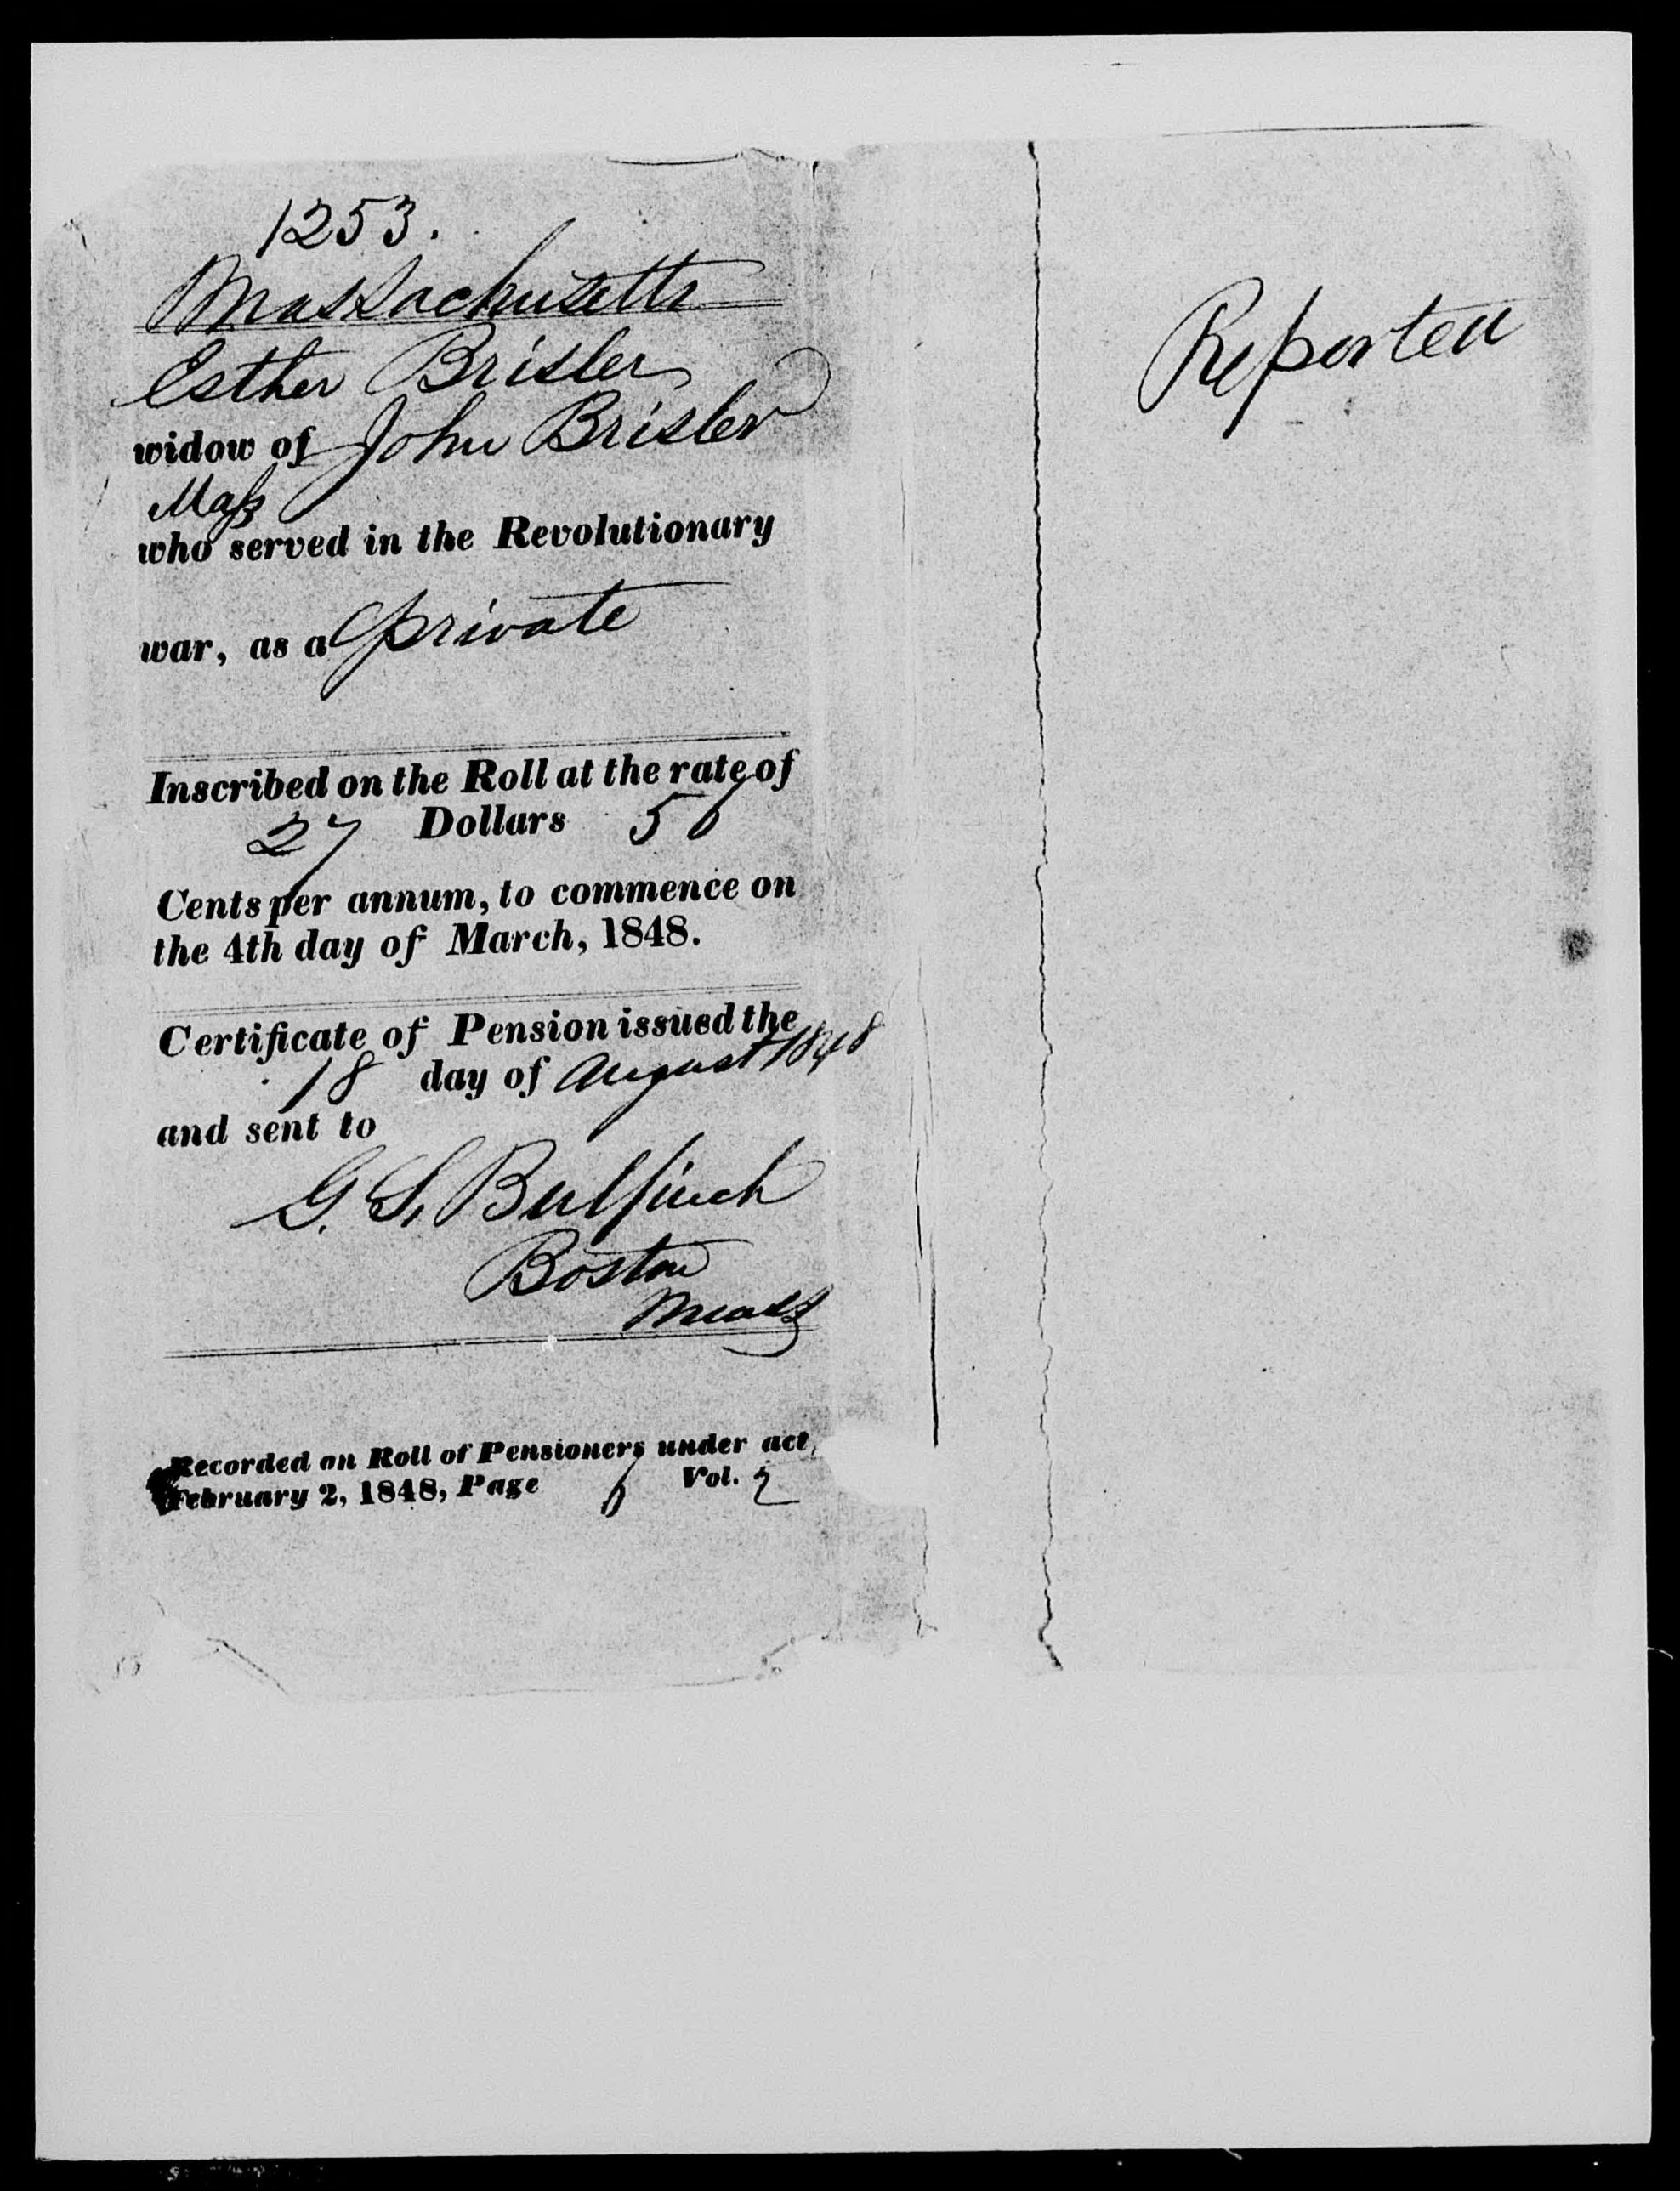1253.
Massachusetts 
Esther Brisler
widow of John Brisler Mass who served in the Revolutionary war, as a private
Inscribed on the Roll at the rate of 27 Dollars 56 Cents per annum, to commence on the 4th date of March, 1848.
Certificate of Pension issued the 18 day of August 1848 and sent to G.L. Bulfinch Boston Mass. 
Recorded on Roll of Pensioners under Act of February 2, 1848, Page 6 Vol. 2. 
Reported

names: G S Bulfinch, John Brisler, Esther Brisler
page: 3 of 46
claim: widow's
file: W. 23,673, John Brisler, Mass.